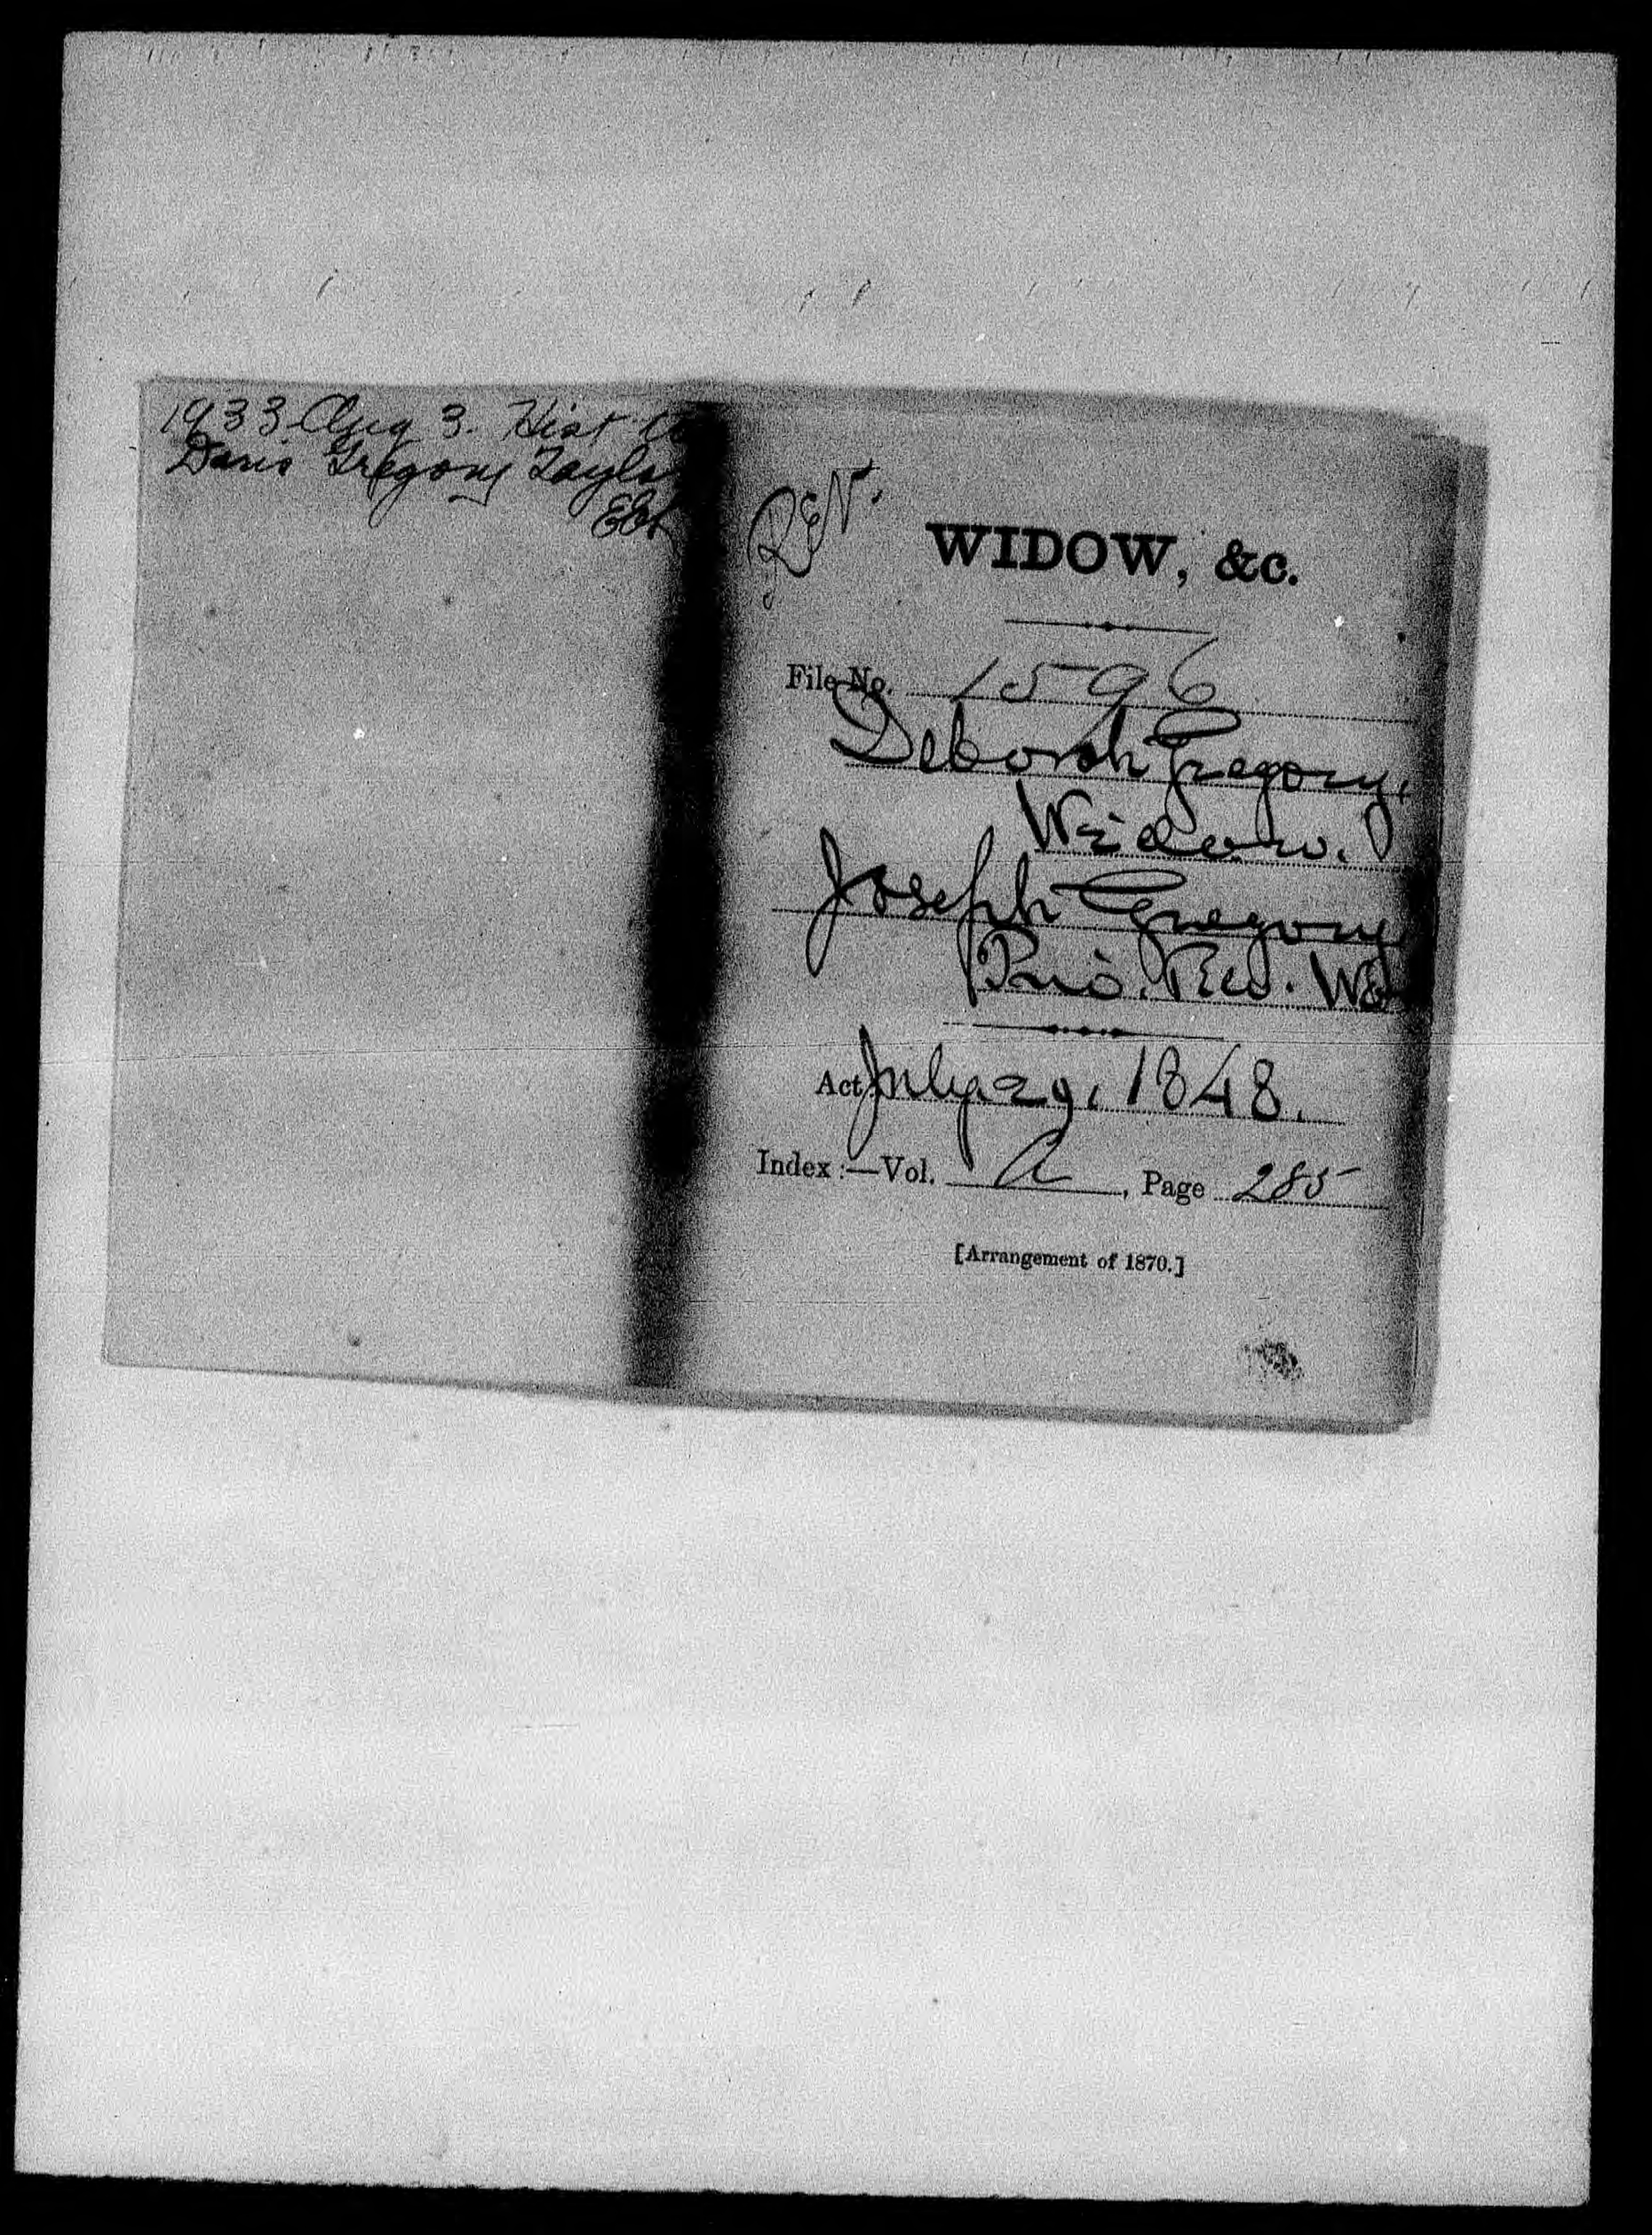[LEFT PAGE]

1933 - Aug 3 - Hist to
Doris Gregory Taylor
                            EEL


[RIGHT PAGE]

Rev.            WIDOW, etc.

File No. 1596
Deborah Gregory
 Widow.
Joseph Gregory
Priv. Rev. War
Act: July 24, 1848.

Index:- Vol A,  Page 285
 {Arrangement of 1870.]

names: Deborah Gregory, Joseph Gregory, Doris Gregory Taylor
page: 14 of 34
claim: widow's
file: W. 1596, Joseph Gregory, Conn.